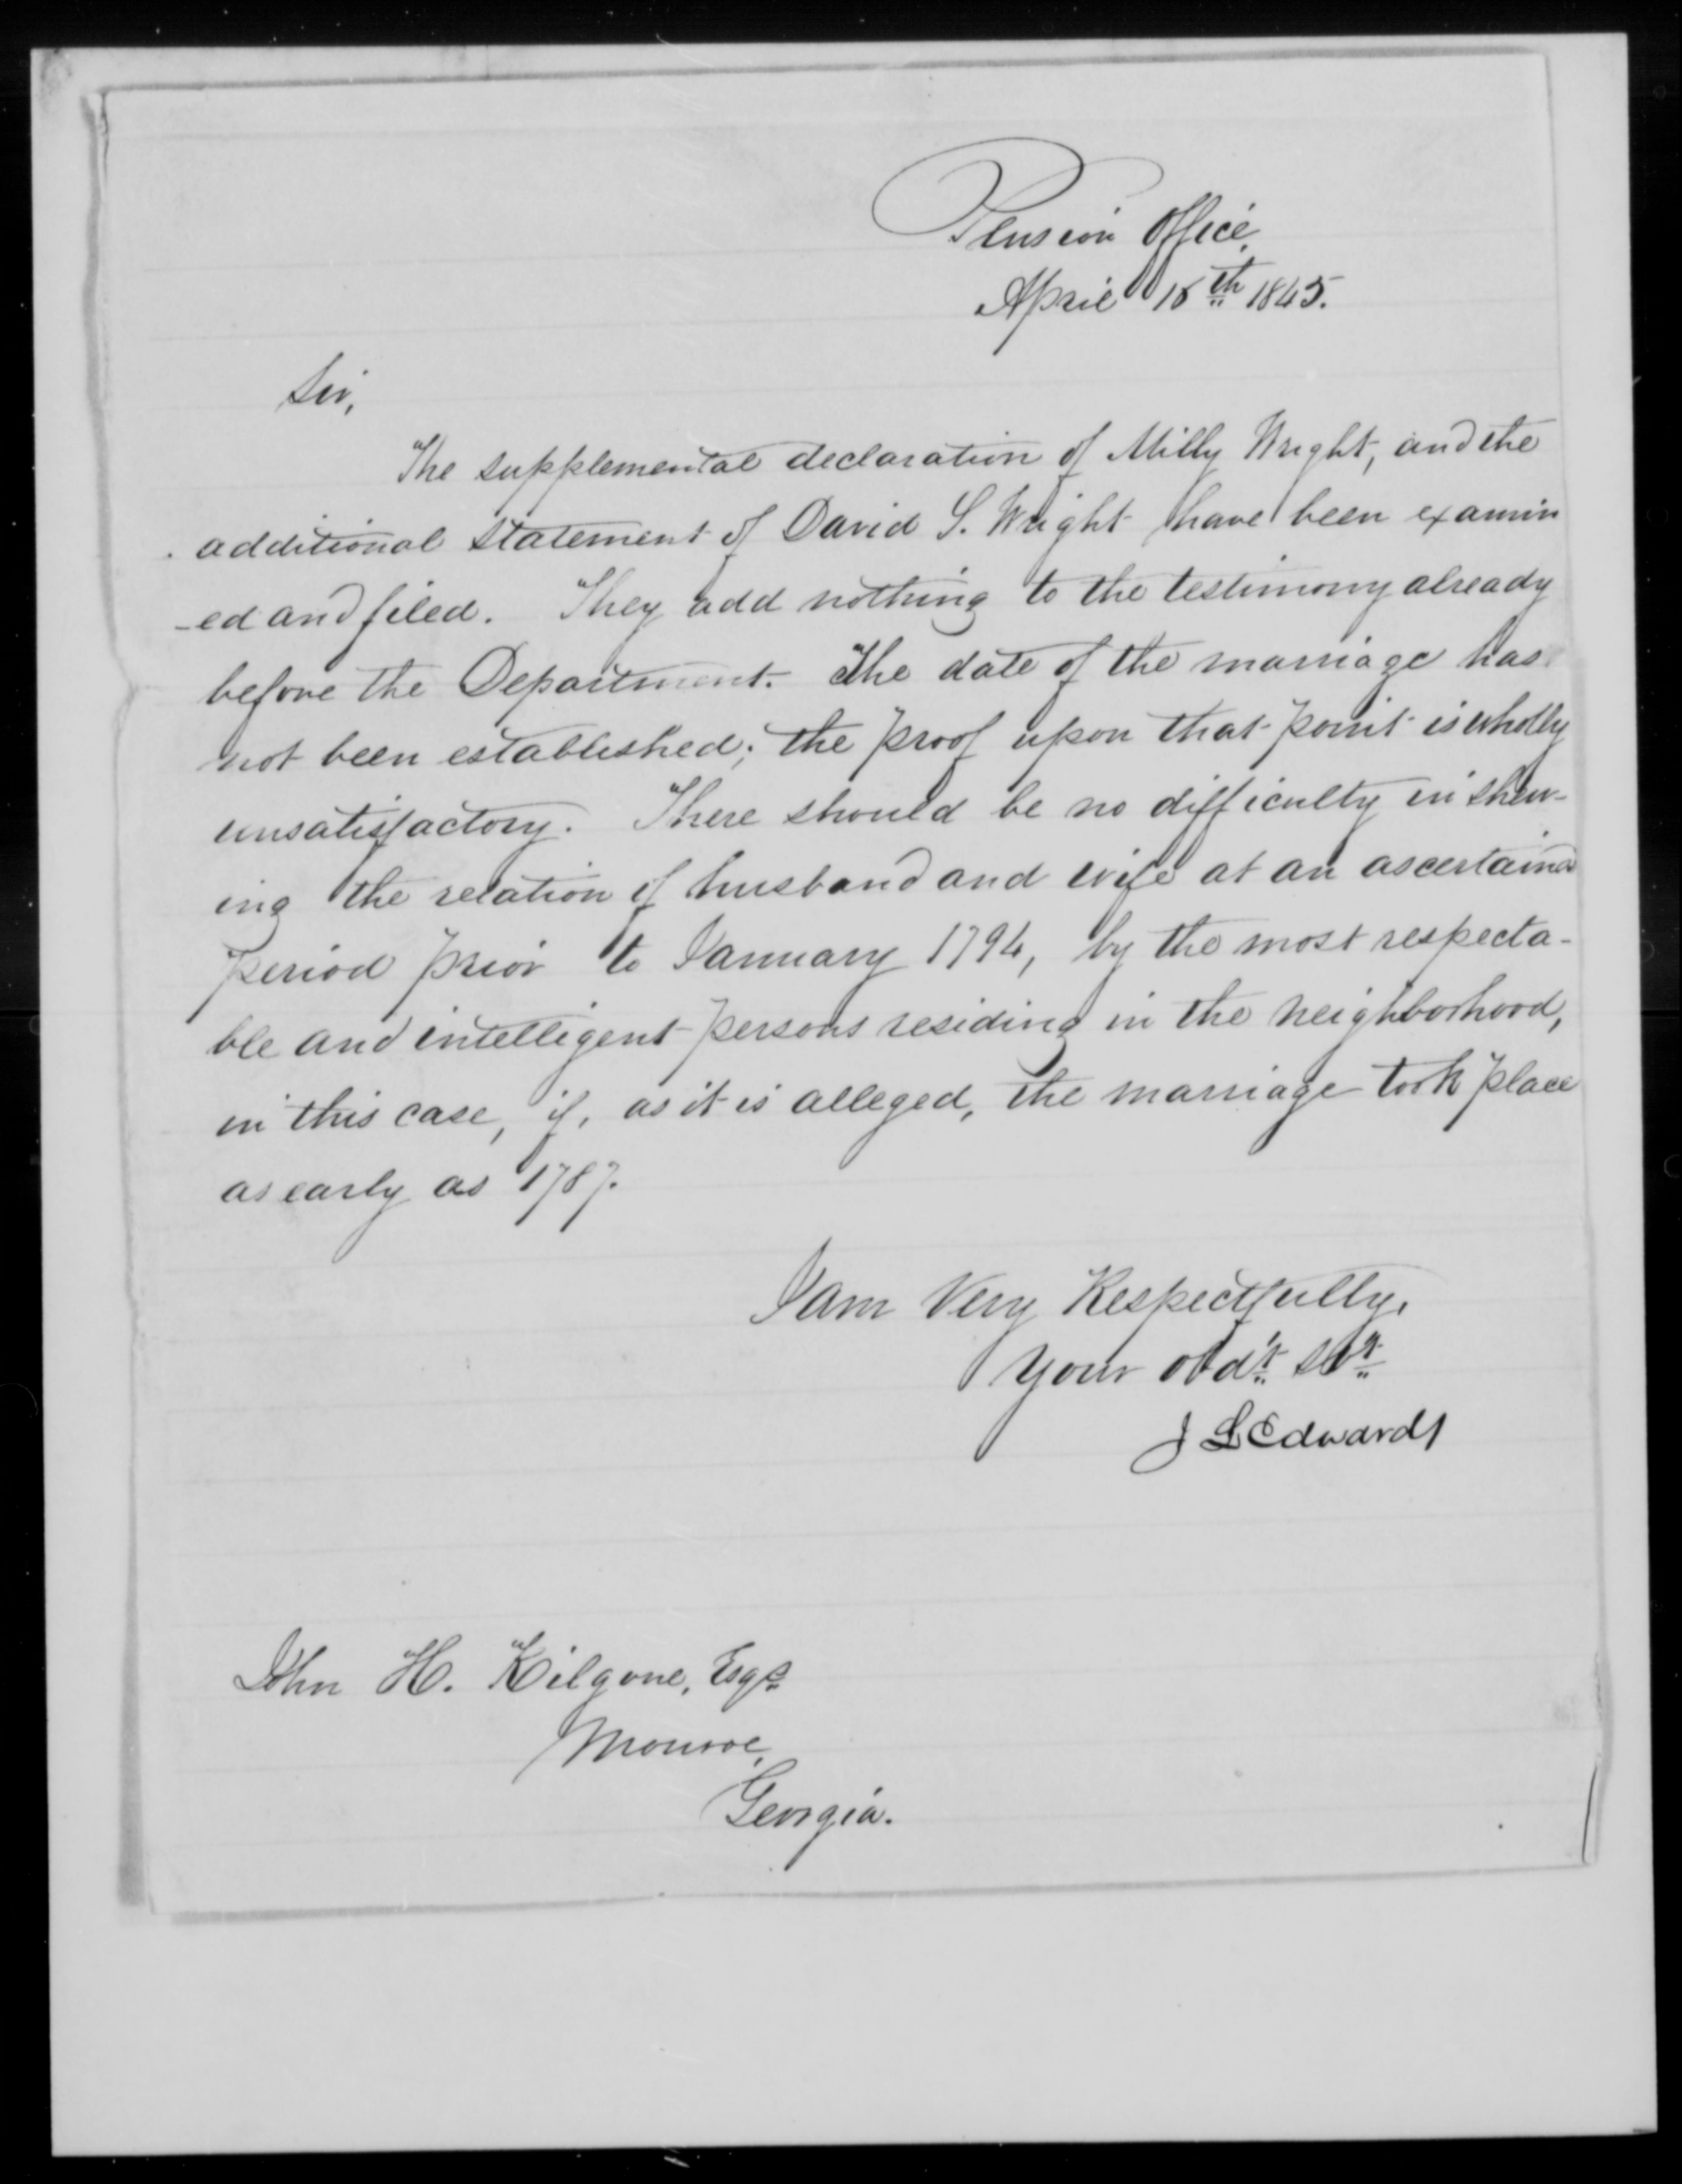Pension Office
April 18th 1865
Sir:
The supplemental declaration of Milly Wright and the additional statement of David L. Wright have been examined and filed.  They add nothing to the testimony already before the Department.  The date of the marriage has not been established.  The proof upon that point is wholly unsatisfactory.  There should be no difficulty in showing the relation of husband and wife, at an ascertained period prior to January 1794, by the most respectable and intelligent persons residing in the neighborhood in this case, if, as is alleged, the marriage took place as early as 1787
I am very respectfully
Your [illegible]
J.L. Edwards
John H. Kilgore, Esq
Monroe, Georgia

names: J L Edwards, John H Kilgore, Milly Wright, David S Wright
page: 59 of 81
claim: widow's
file: W. 5183, Bolling Wright, Va.